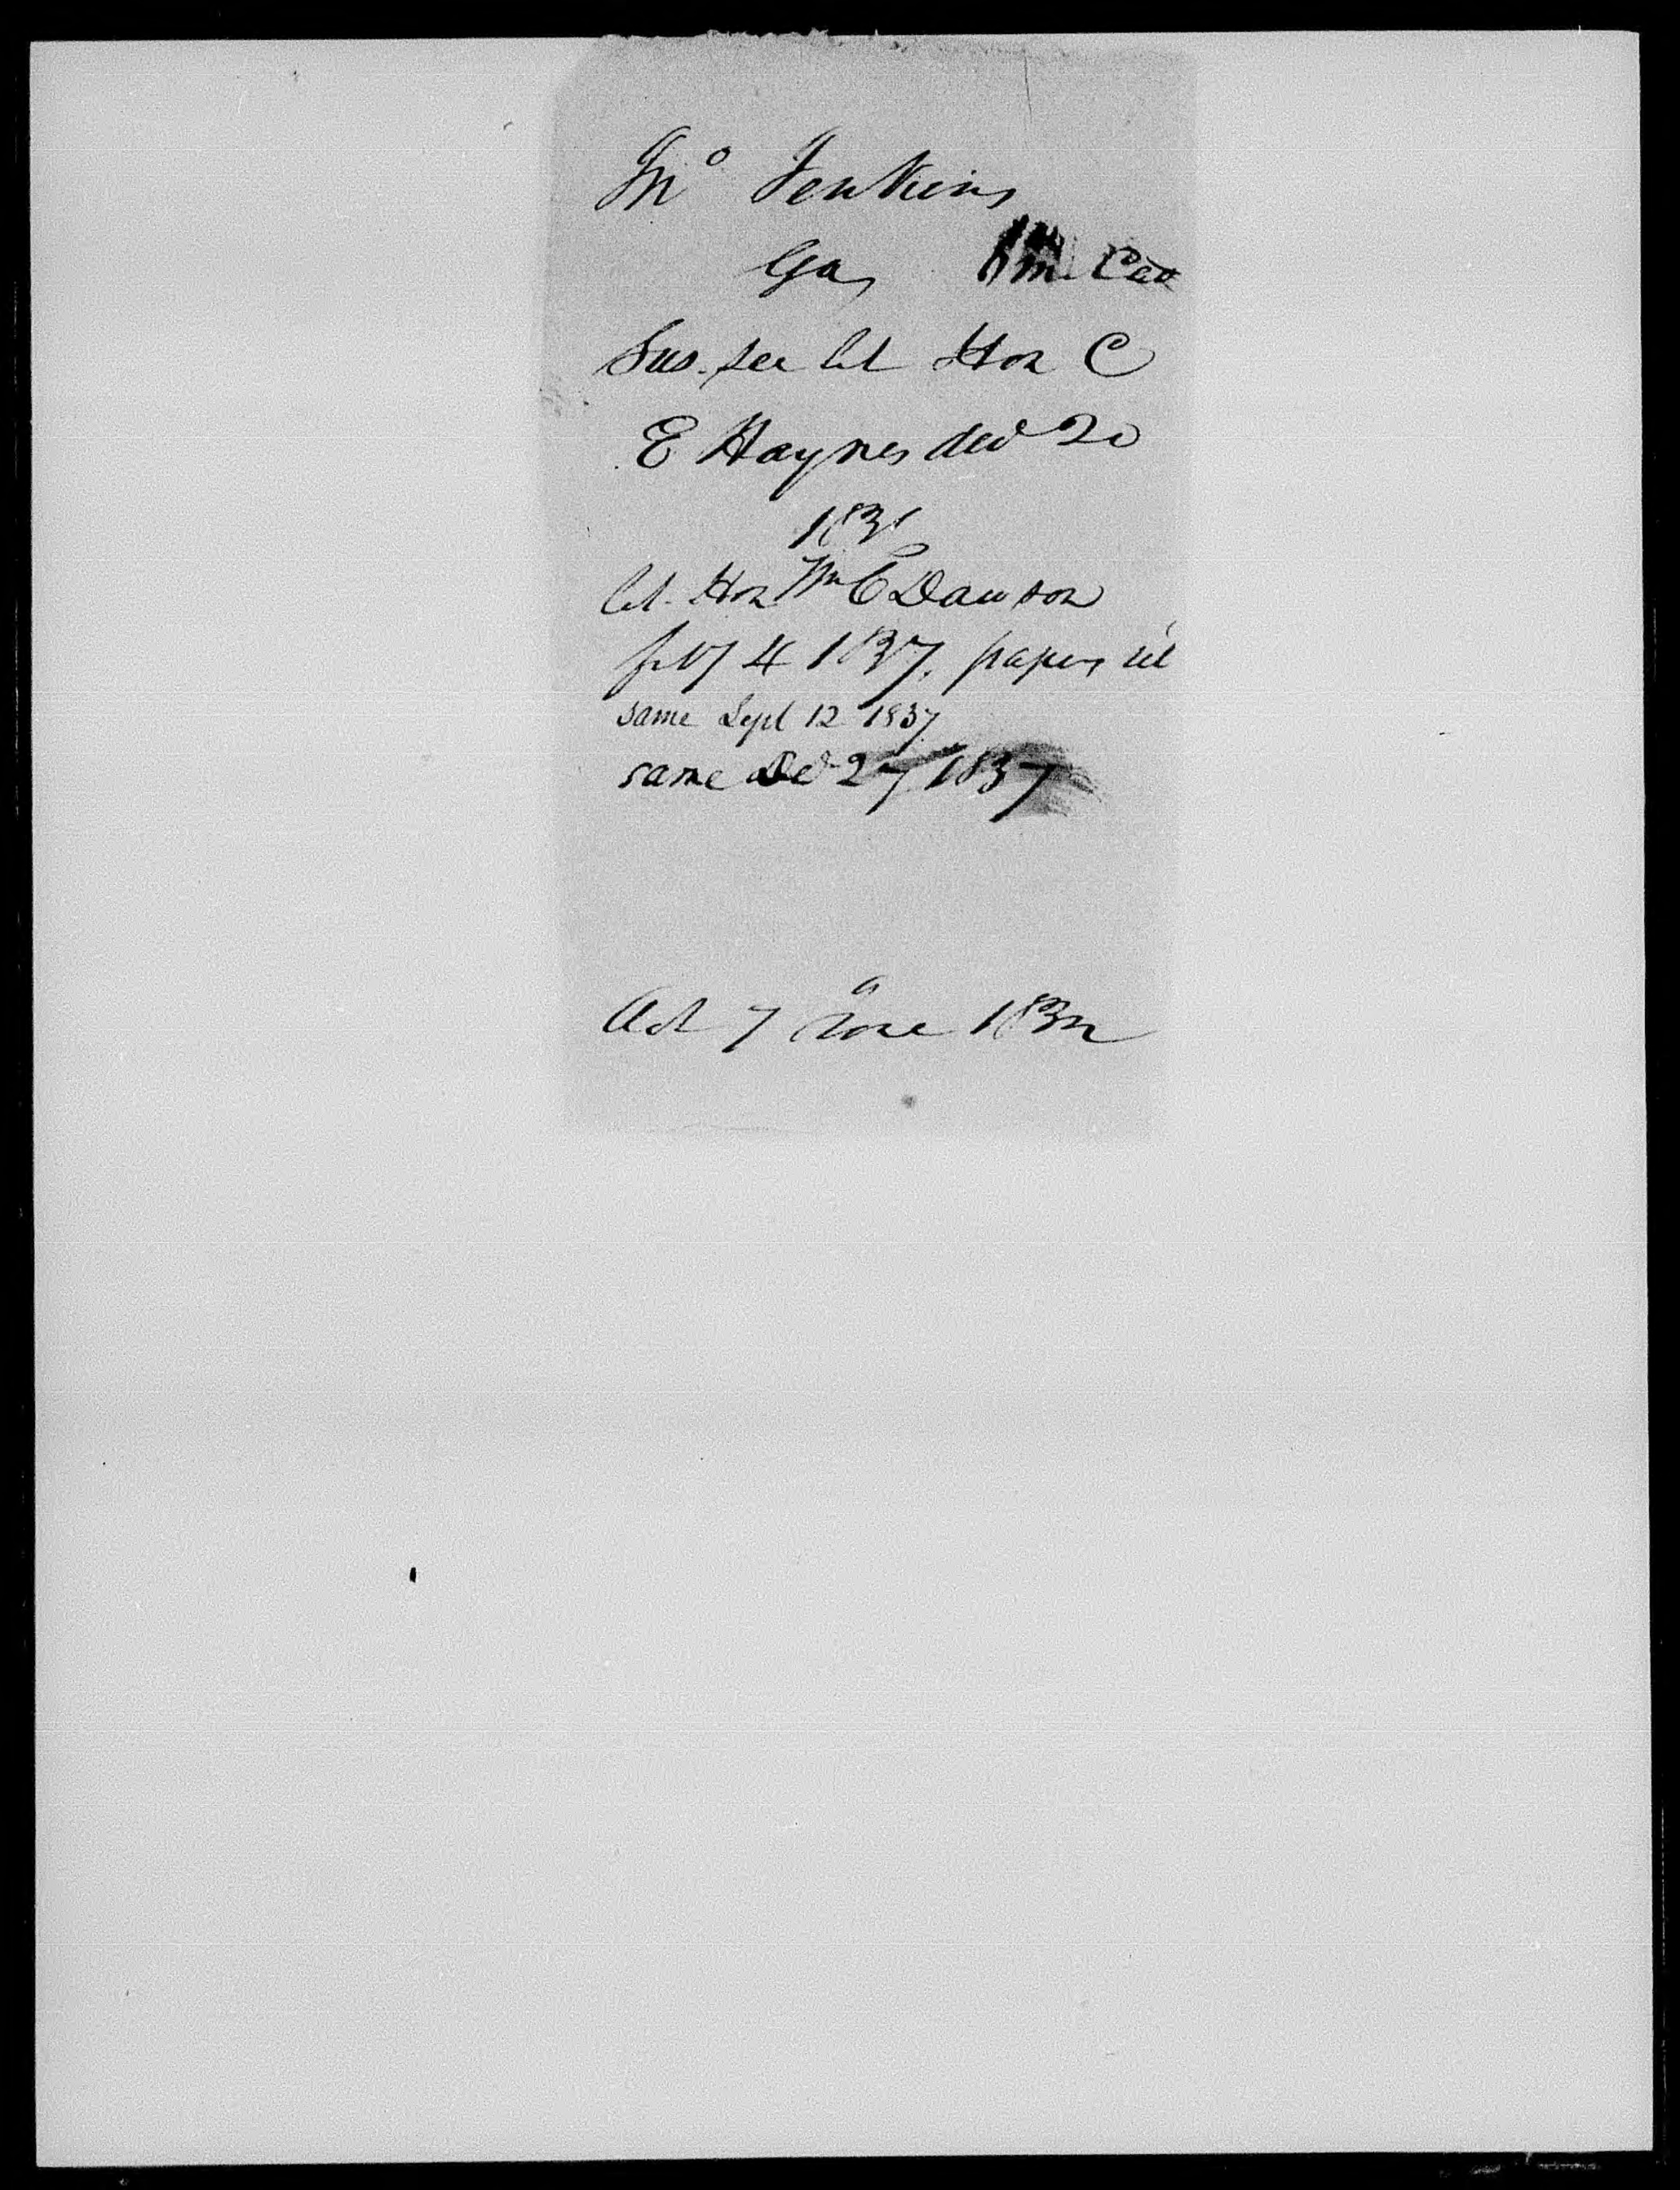Jn Jenkins 
Ga hm cav
Sus see [illegible] Hon C 
E Haynes dec 20 
1836
[illegible] Hon Wm C Dawson 
July 4 1837. papers [illegible]
same Sept 12 1837.
same De 27 1837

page: 47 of 55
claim: widow's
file: W. 7894, for John Jenkins, Virginia